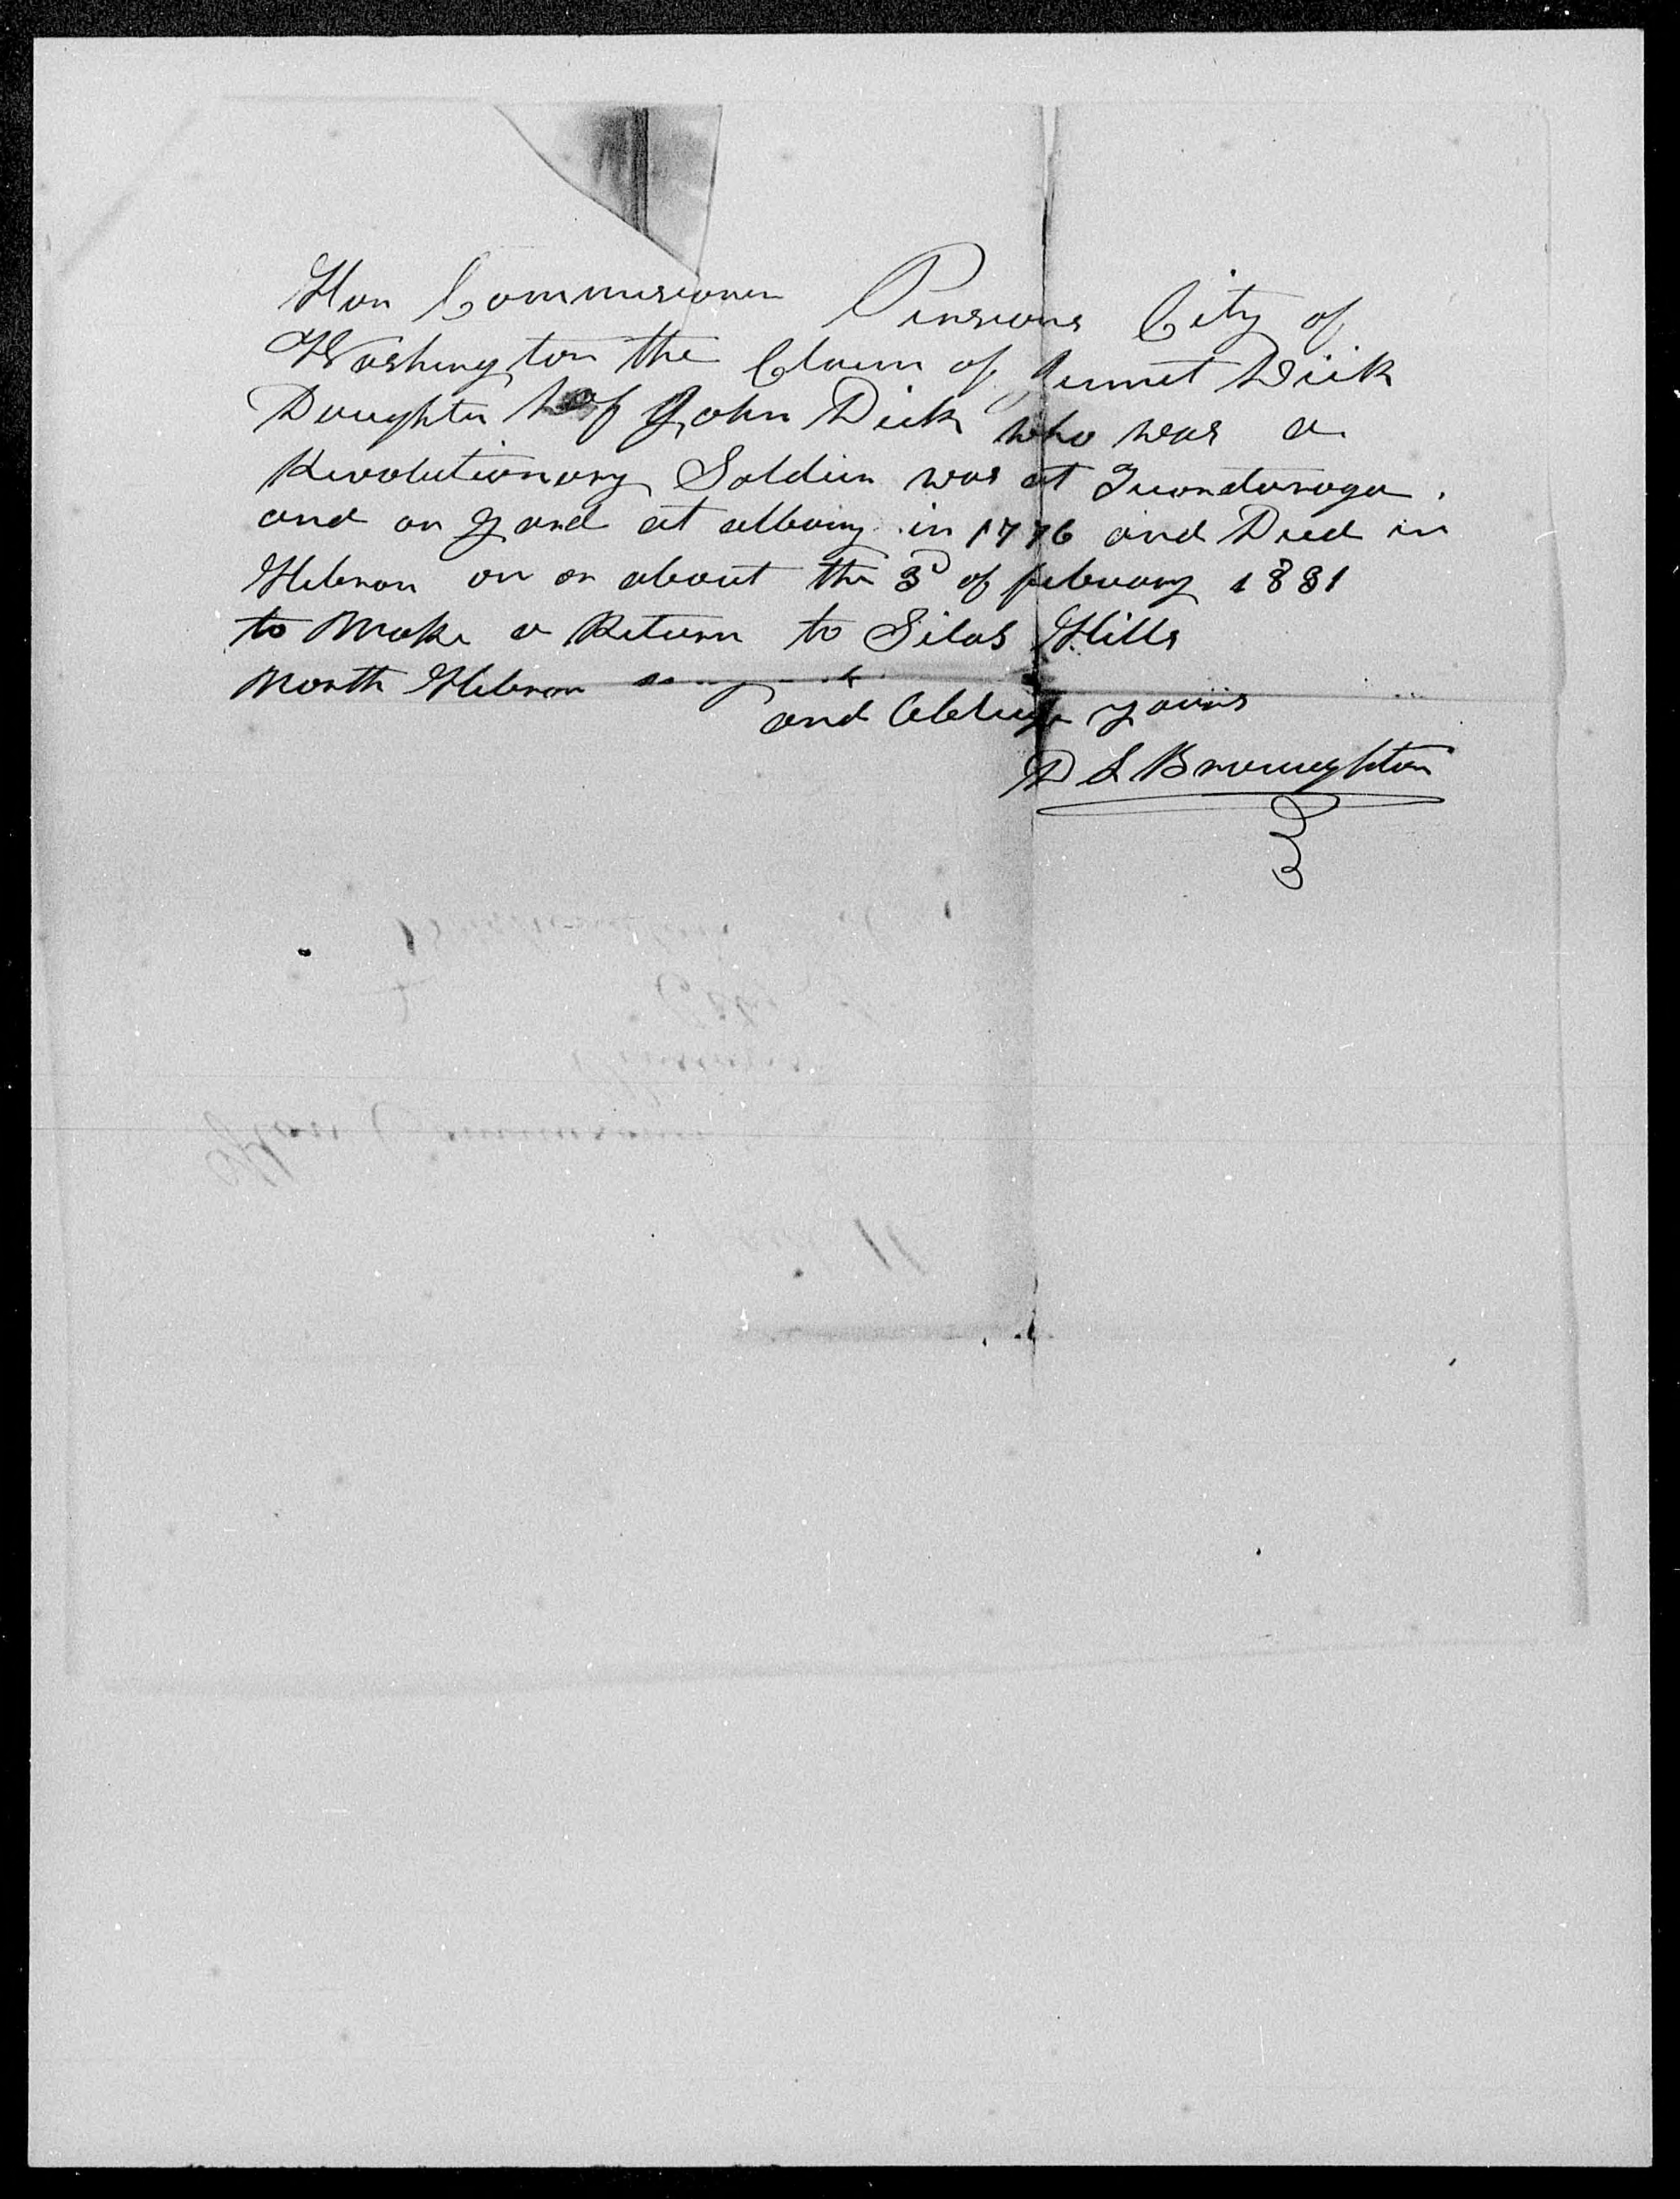Hon Commissioner Pensions City of Washington the claim of Jennet Dick Daughter of John Dick who was a Revolutionary Soldier was at Ticonderoga, and on hand at Albany in1776 and Died in Hebron on or about the 3d of February 1881 to make a return to Silas Hills North Hebron  [illegible]
and oblige yours
/s/D. S. Broughton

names: John Dick, Jennet Dick, Silas Hills, D L Bromeyhton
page: 4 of 9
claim: rejected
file: R. 2,930, John Dick, Vt.